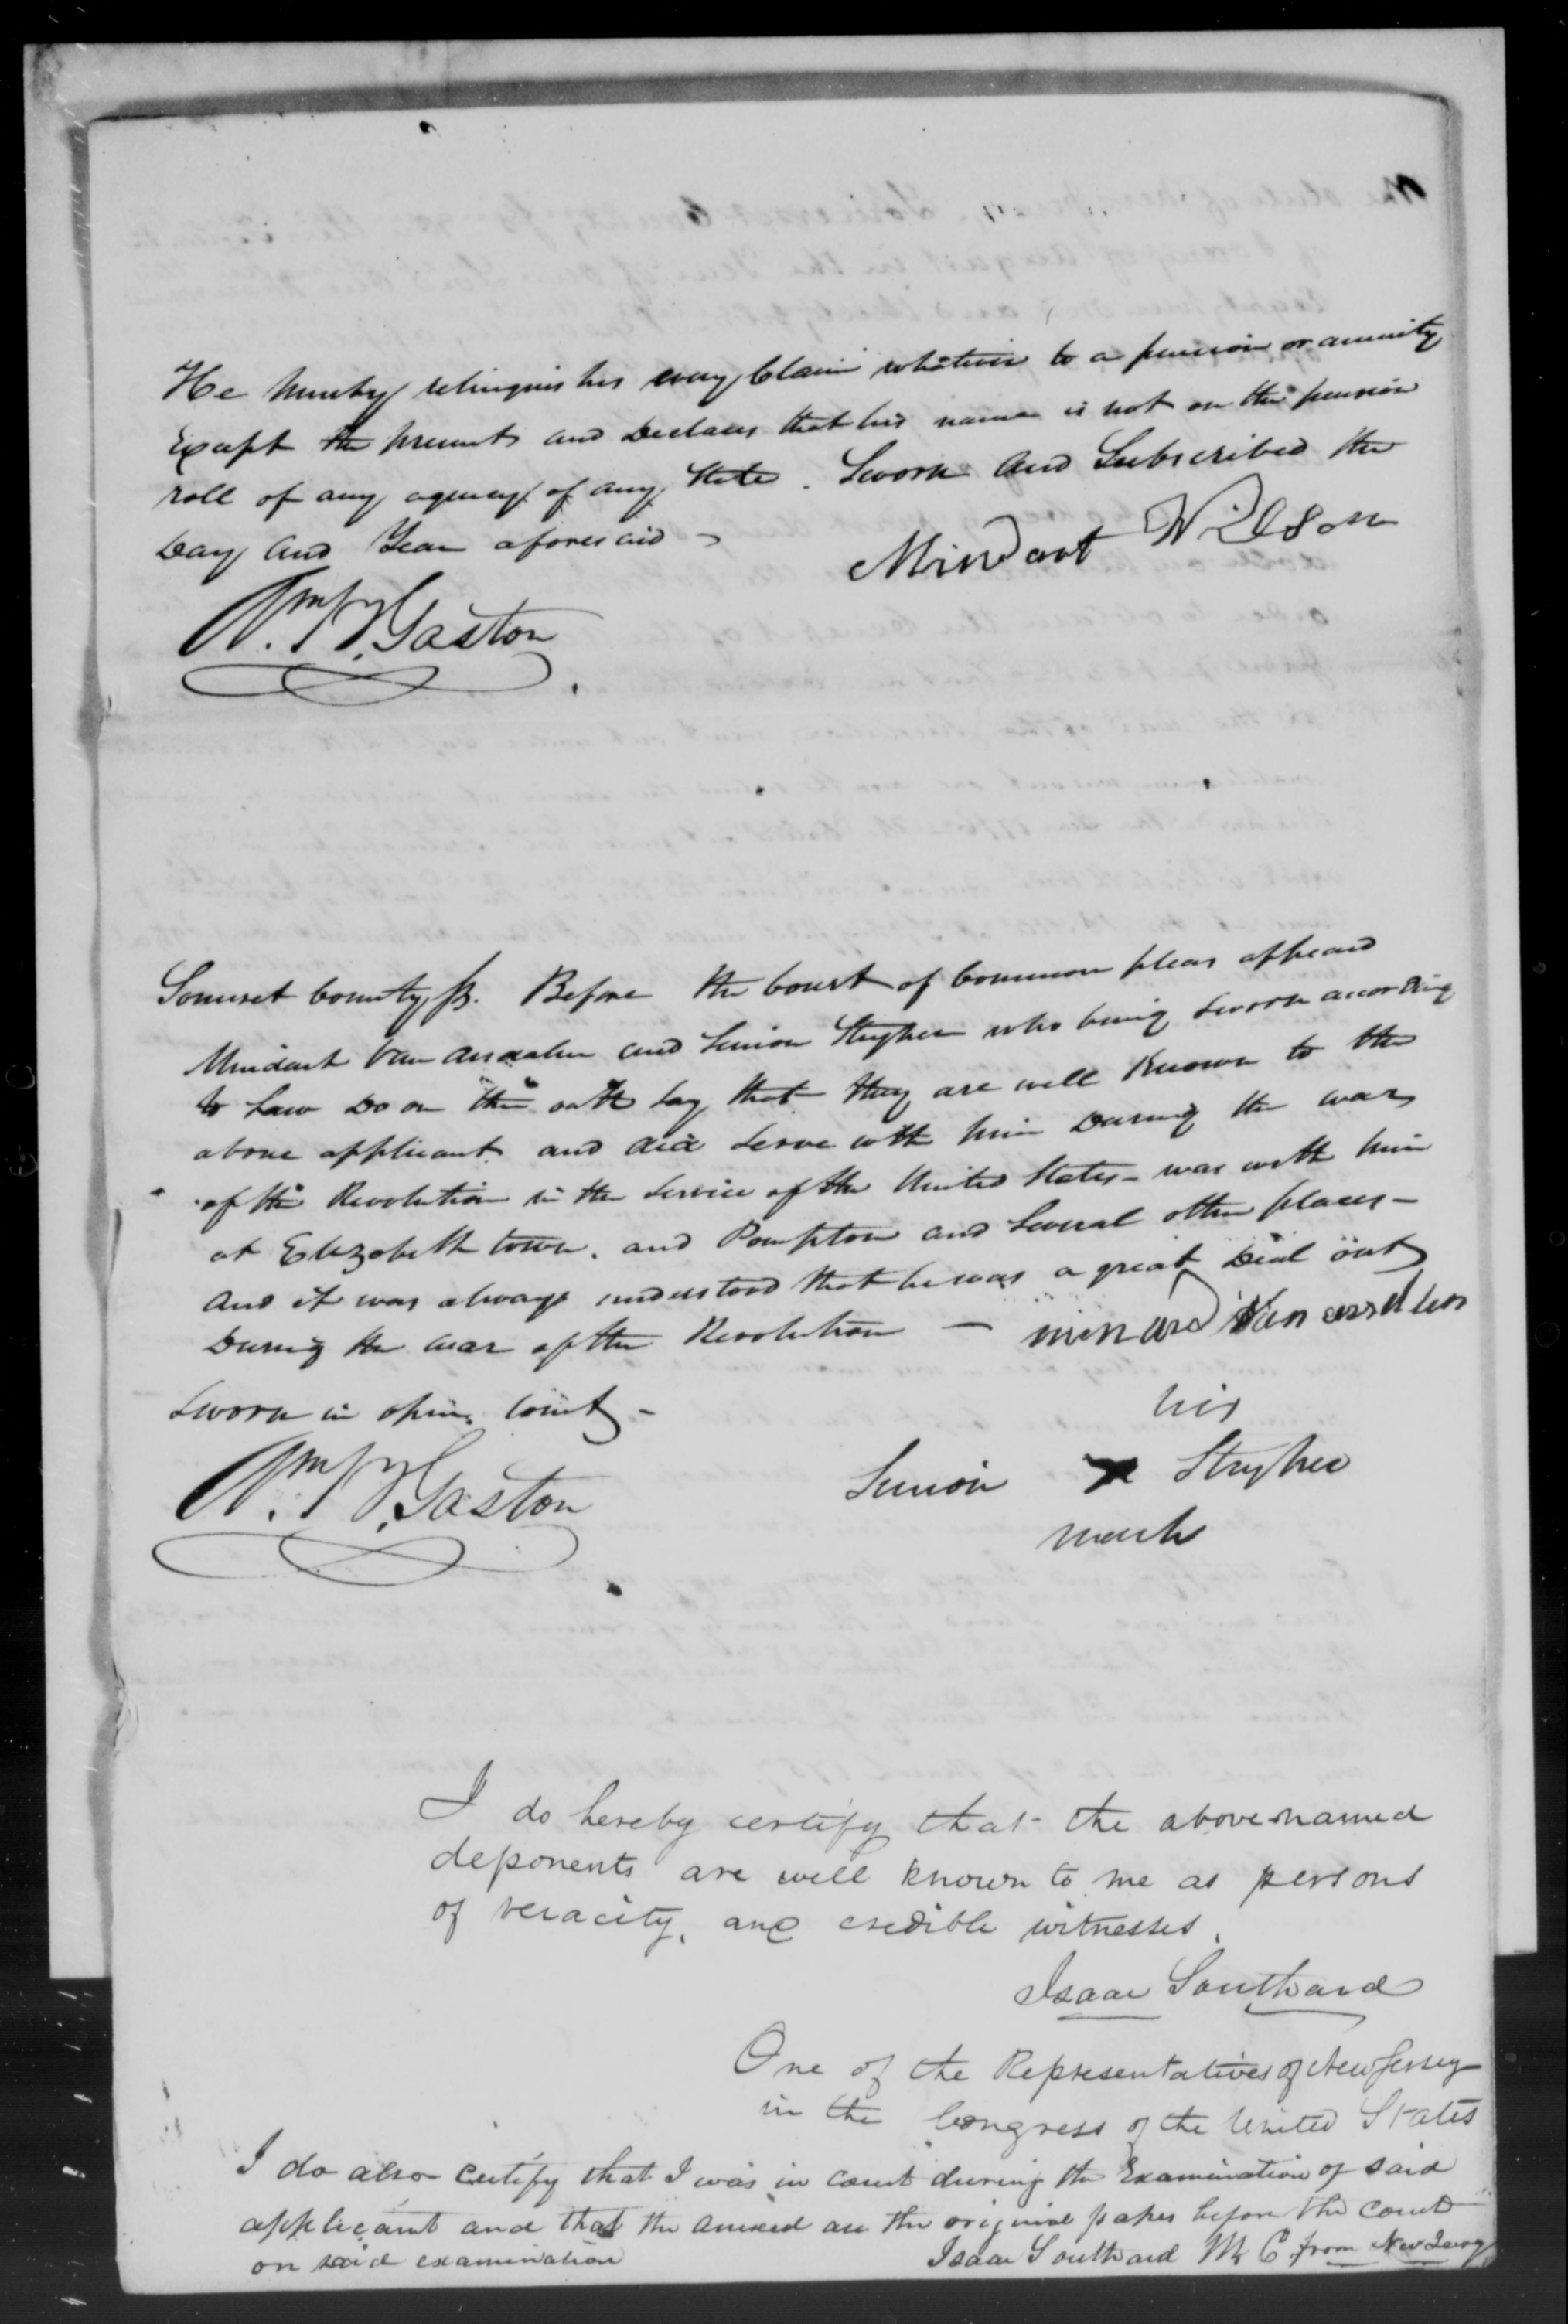He herby relinquishes any claim whatever to a pension or annuity except the present and Declares that his name is not on the pension roll of any agency of any State. Sworn and Subscribed the day and year aforesaid.

[signed] Mindart Wilson

[signed] Wm. B. Gaston

Somerset County ss. Before the Court of Common pleas appeared Mindart Van Arsdalen and Simon Stryker who being Sworn according to Law do on their oath say that they are well known to the above applicant and did serve with him during the war of the Revolution in the service of the United States, was with him at Elizabeth town, and Pompton and several other places, and it was always understood that he was a great deal out During the war of the Revolution.

[signed] Minard Van arsdlen
Simon Stryker X his mark

Sworn in open Court.
Wm. B. Gaston

I do hereby certify that the above named deponents are well known to me as persons of veracity, and credible witnesses.

Isaac Southard
One of the Representatives of New Jersey in the Congress of the United States

I do also certify that I was in court during the Examination of said applicant and that the annexed are the original paper before the court on said examination

Isaac Southard M. C from New Jersey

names: Mindart Wilson, Mindart Van Arsdalen, Isaac Southard, Simon Stryker, Wm B Gaston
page: 7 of 40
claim: survivor's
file: S. 3564, Mindart Wilson, New Jersey